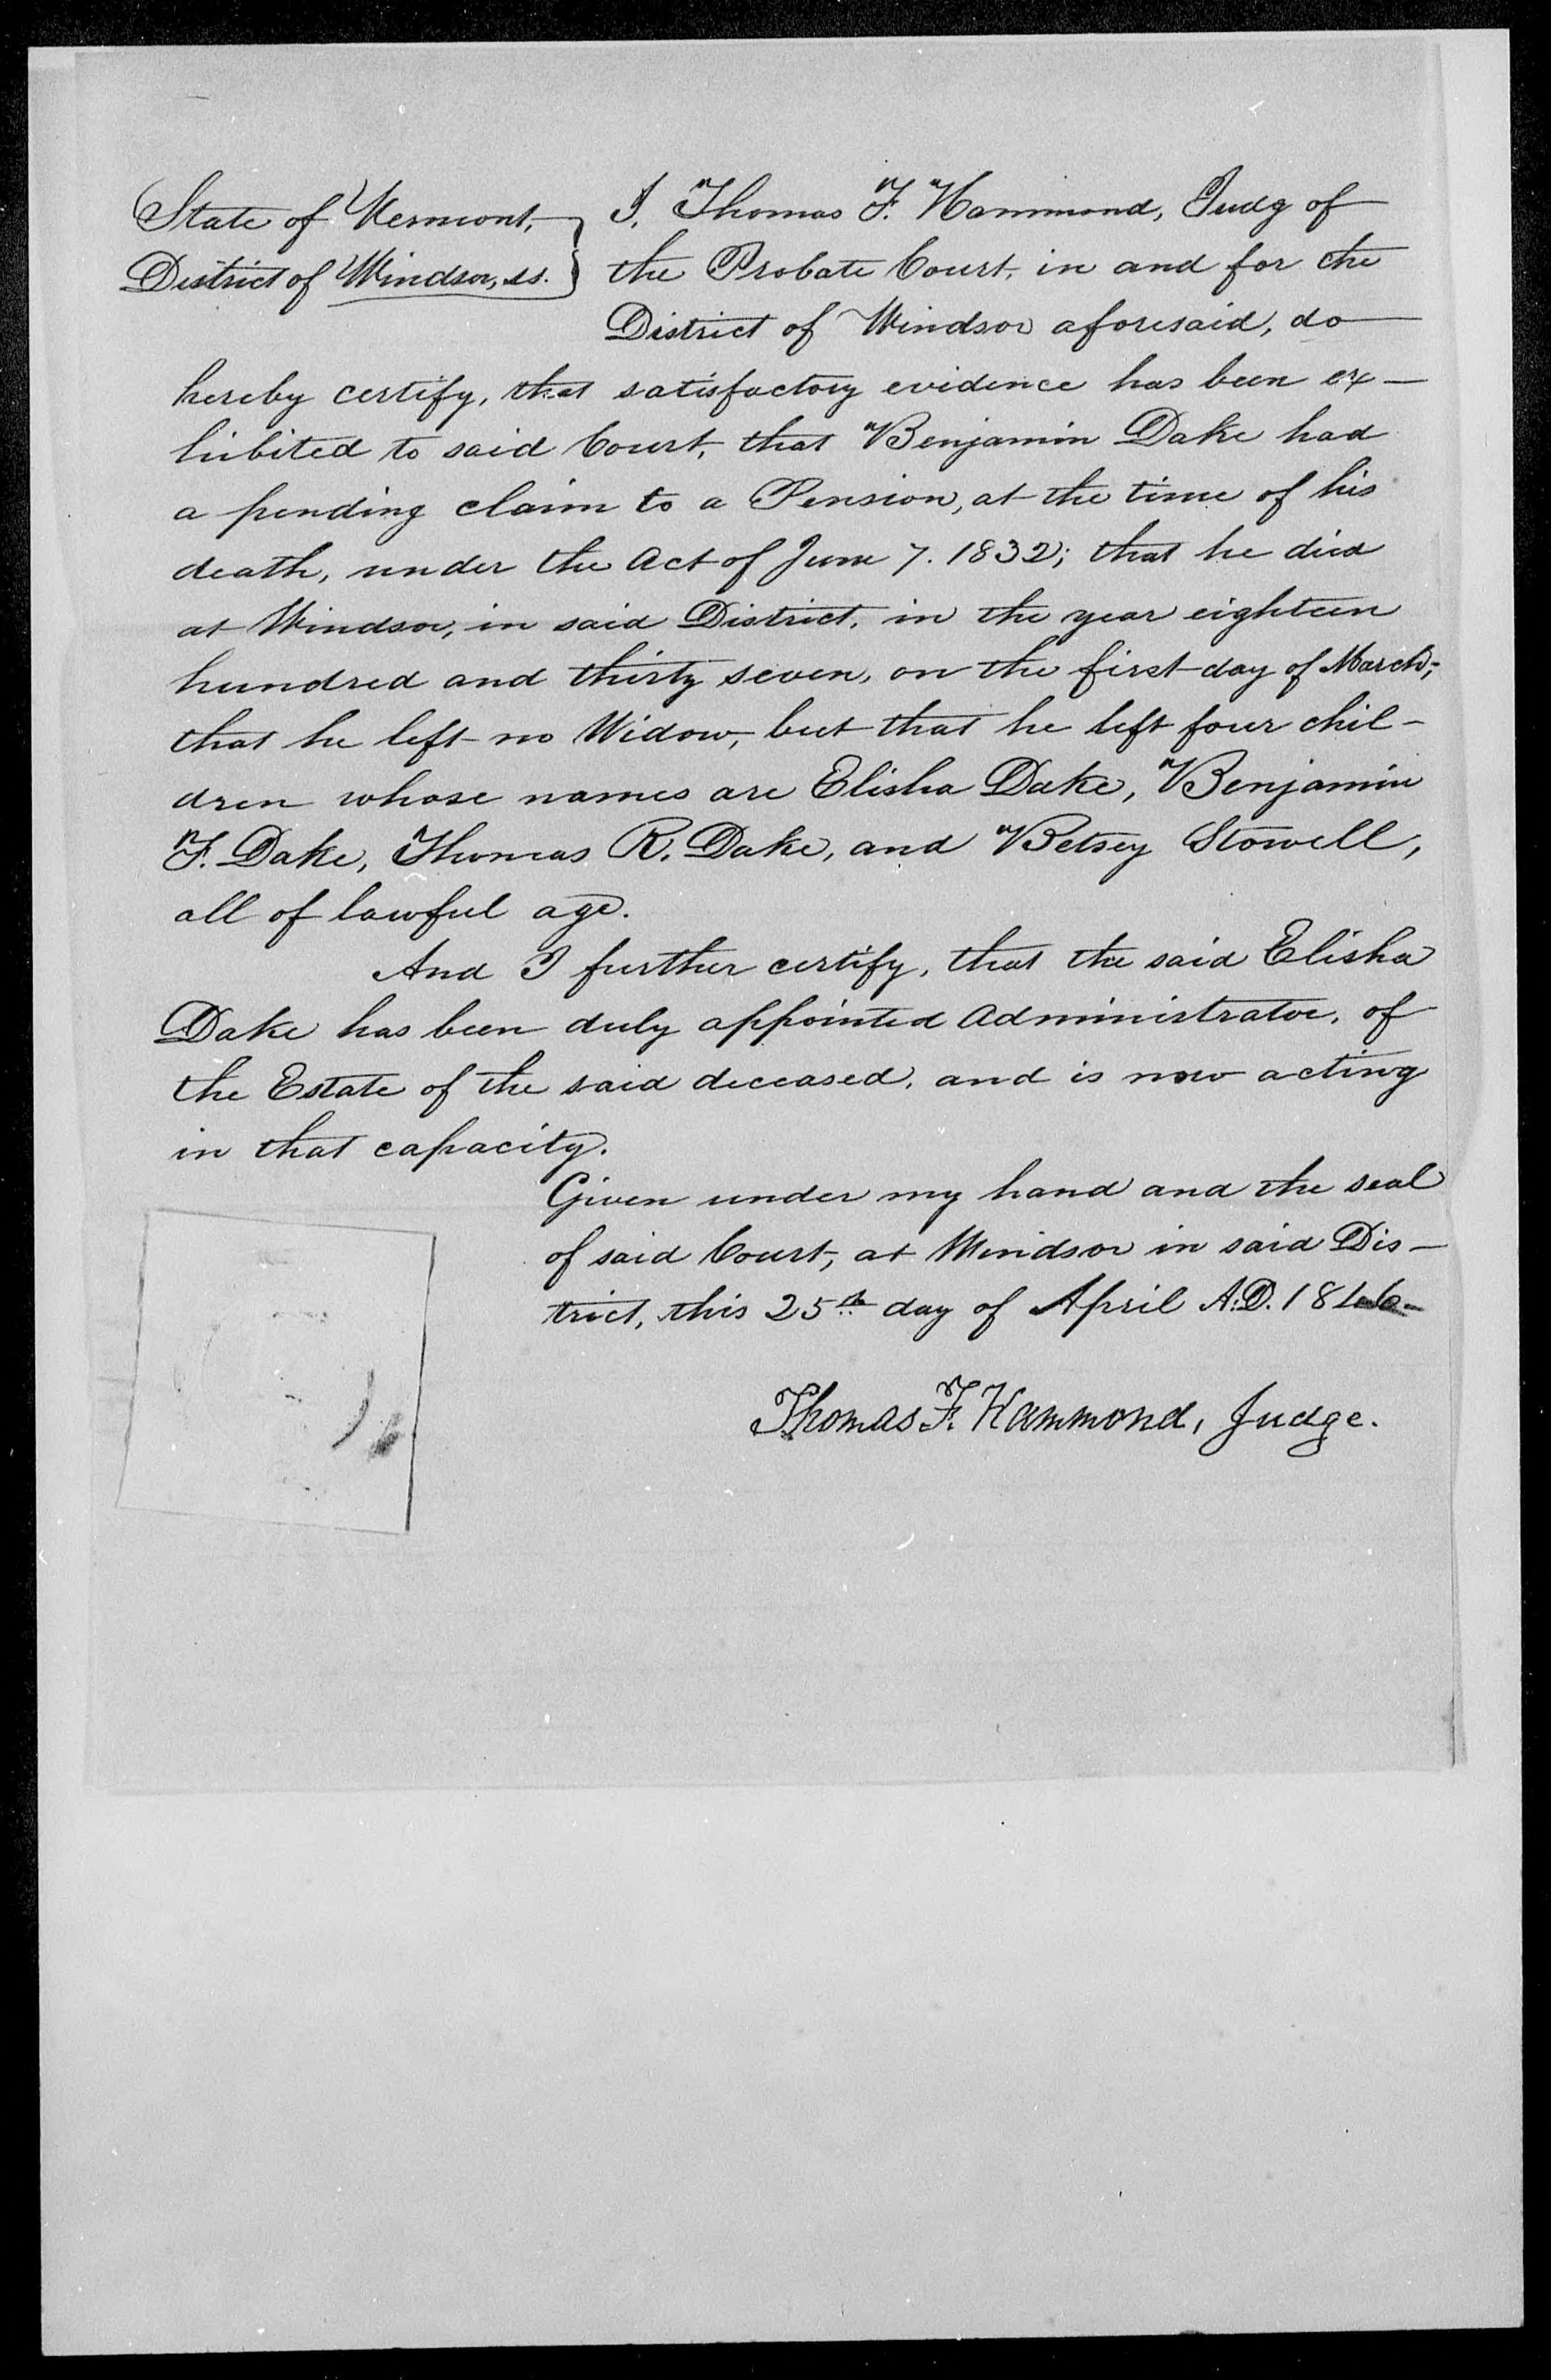State of Vermont
District of Windsor ss

I Thomas F Hammond Judge of the Probate Court in and for the Distrcit of Windsor aforesaid so hereby certify that satisfactory evidence has been exhibited to said court that Benjamin Dake had a pending claim to a pension at the time of his death, under the Act of June 7, 1832; that he dies at Windsor, in said district, in the year eighteen hundred and thirty seven, on the first day of March; that he left no widow, but that he left four children whose names are Elisha Dake, Benjamin F. Dake, Thomas R Dake, and Betsy Stowell all of lawful age.

And I further certify, that the said Elisha Dake has been duly appointed Administrator of the Estate of the said deceased, and is now acting in the capacity. Given under my hand and the seal of said court, at Windsor in said District, the 25th day of April A.D. 1846

Thomas F Hammond, Judge

[seal affixed on left bottom of page]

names: Benjamin F Dake, Thomas R Dake, Benjamin Dake, Thomas F Hammond, Betsey Stowell, Elisha Dake, Elisha Dake, Thomas F Hammond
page: 5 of 42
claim: rejected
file: R. 2,625, Benjamin Dake, R.I.